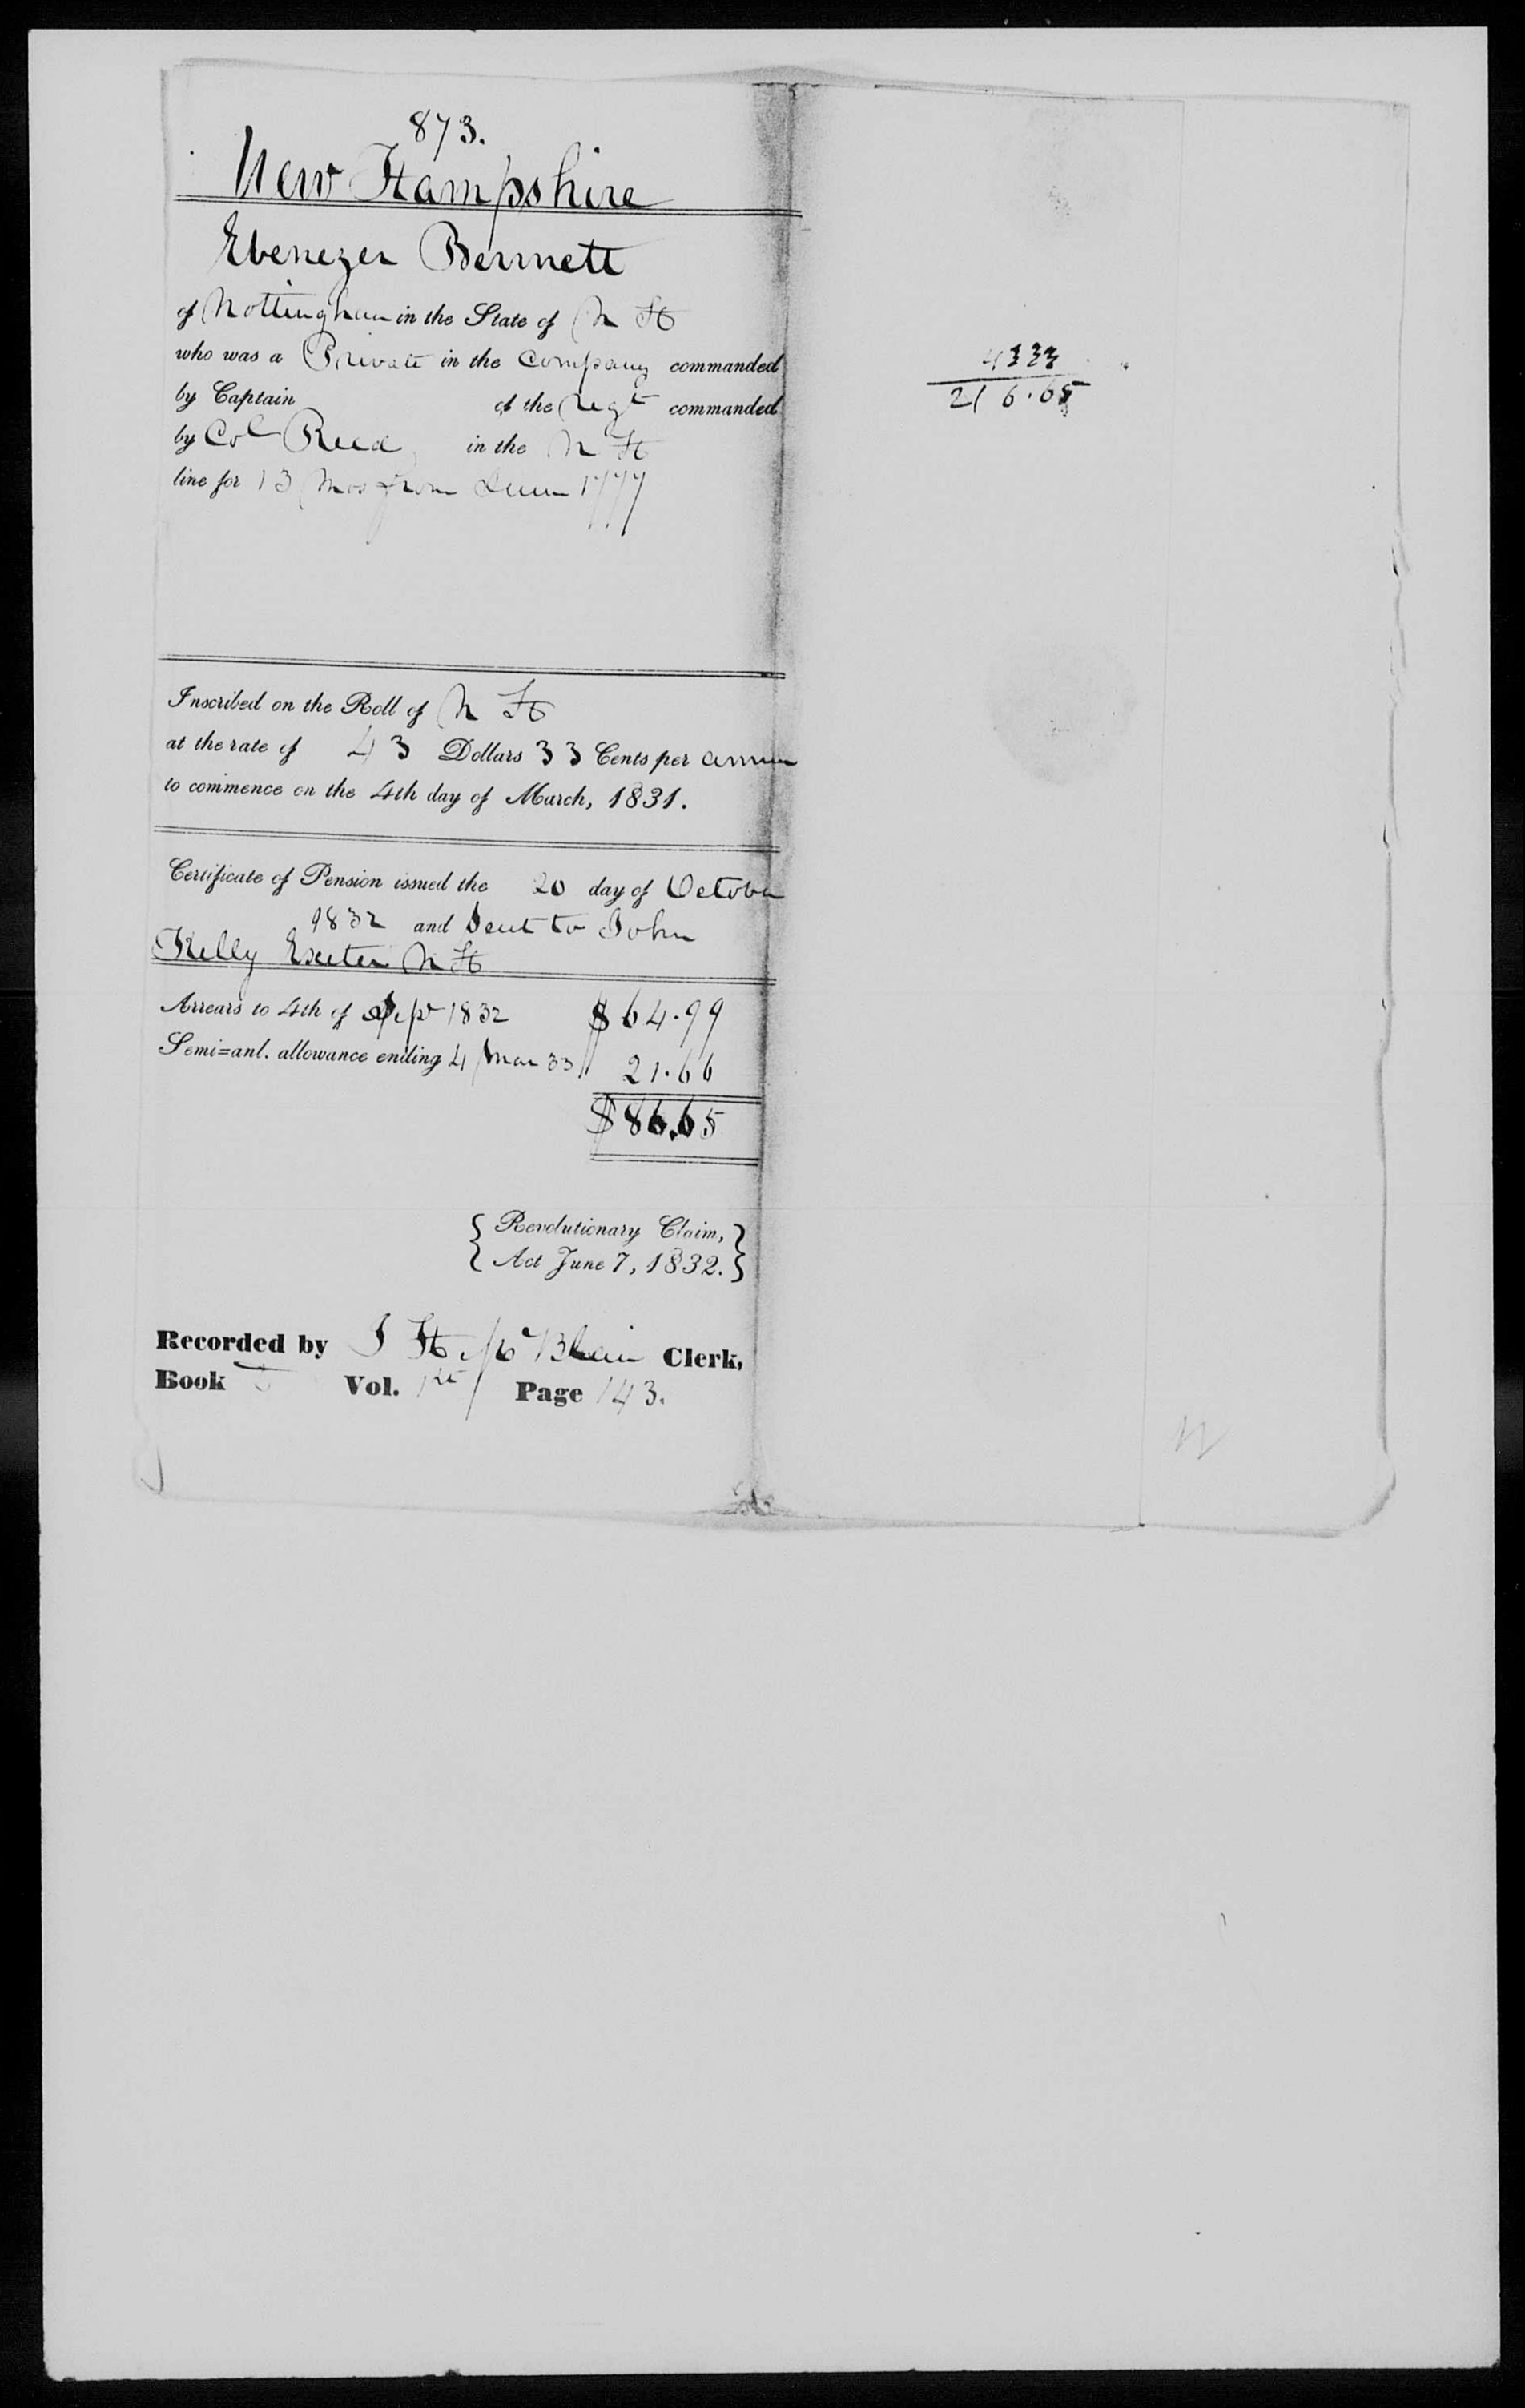873. New Hampshire
Ebenezer Bennett
of Nottingham in the State of N. H.
who was a Private in the company commanded by Captain [nothing written] of the [illegible] commanded by Col. Reed in the N.H. line for 13 mos from June 1777

Inscribed on the roll of N. H. at the rate of 43 Dollars 33 Cents per annum to commence on the 4th day of March, 1831.

Certificate of Pension issued the 20 day of October 1832 and sent to John Kelly Specter, NH

Arrears to 4th of Sept. 1832
Semi=anl. allowance ending 4 Mar. '33.

A sum is then hand writtent: $64.99 [+] 21.66 [=] $86.65

Revolutionary claim,
Act June 7, 1832

Recorded by J.H. McBlair Clerk, Book [illegible] Vol. 125 Page 143

On next page, several handwritten numbers are written, 4333 over 216.65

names: J H Mcblair, John Kelly, Ebenezer Bennett, Reed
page: 2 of 43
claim: widow's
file: W. 21665, Ebenezer Bennett, N. H. Privateer.